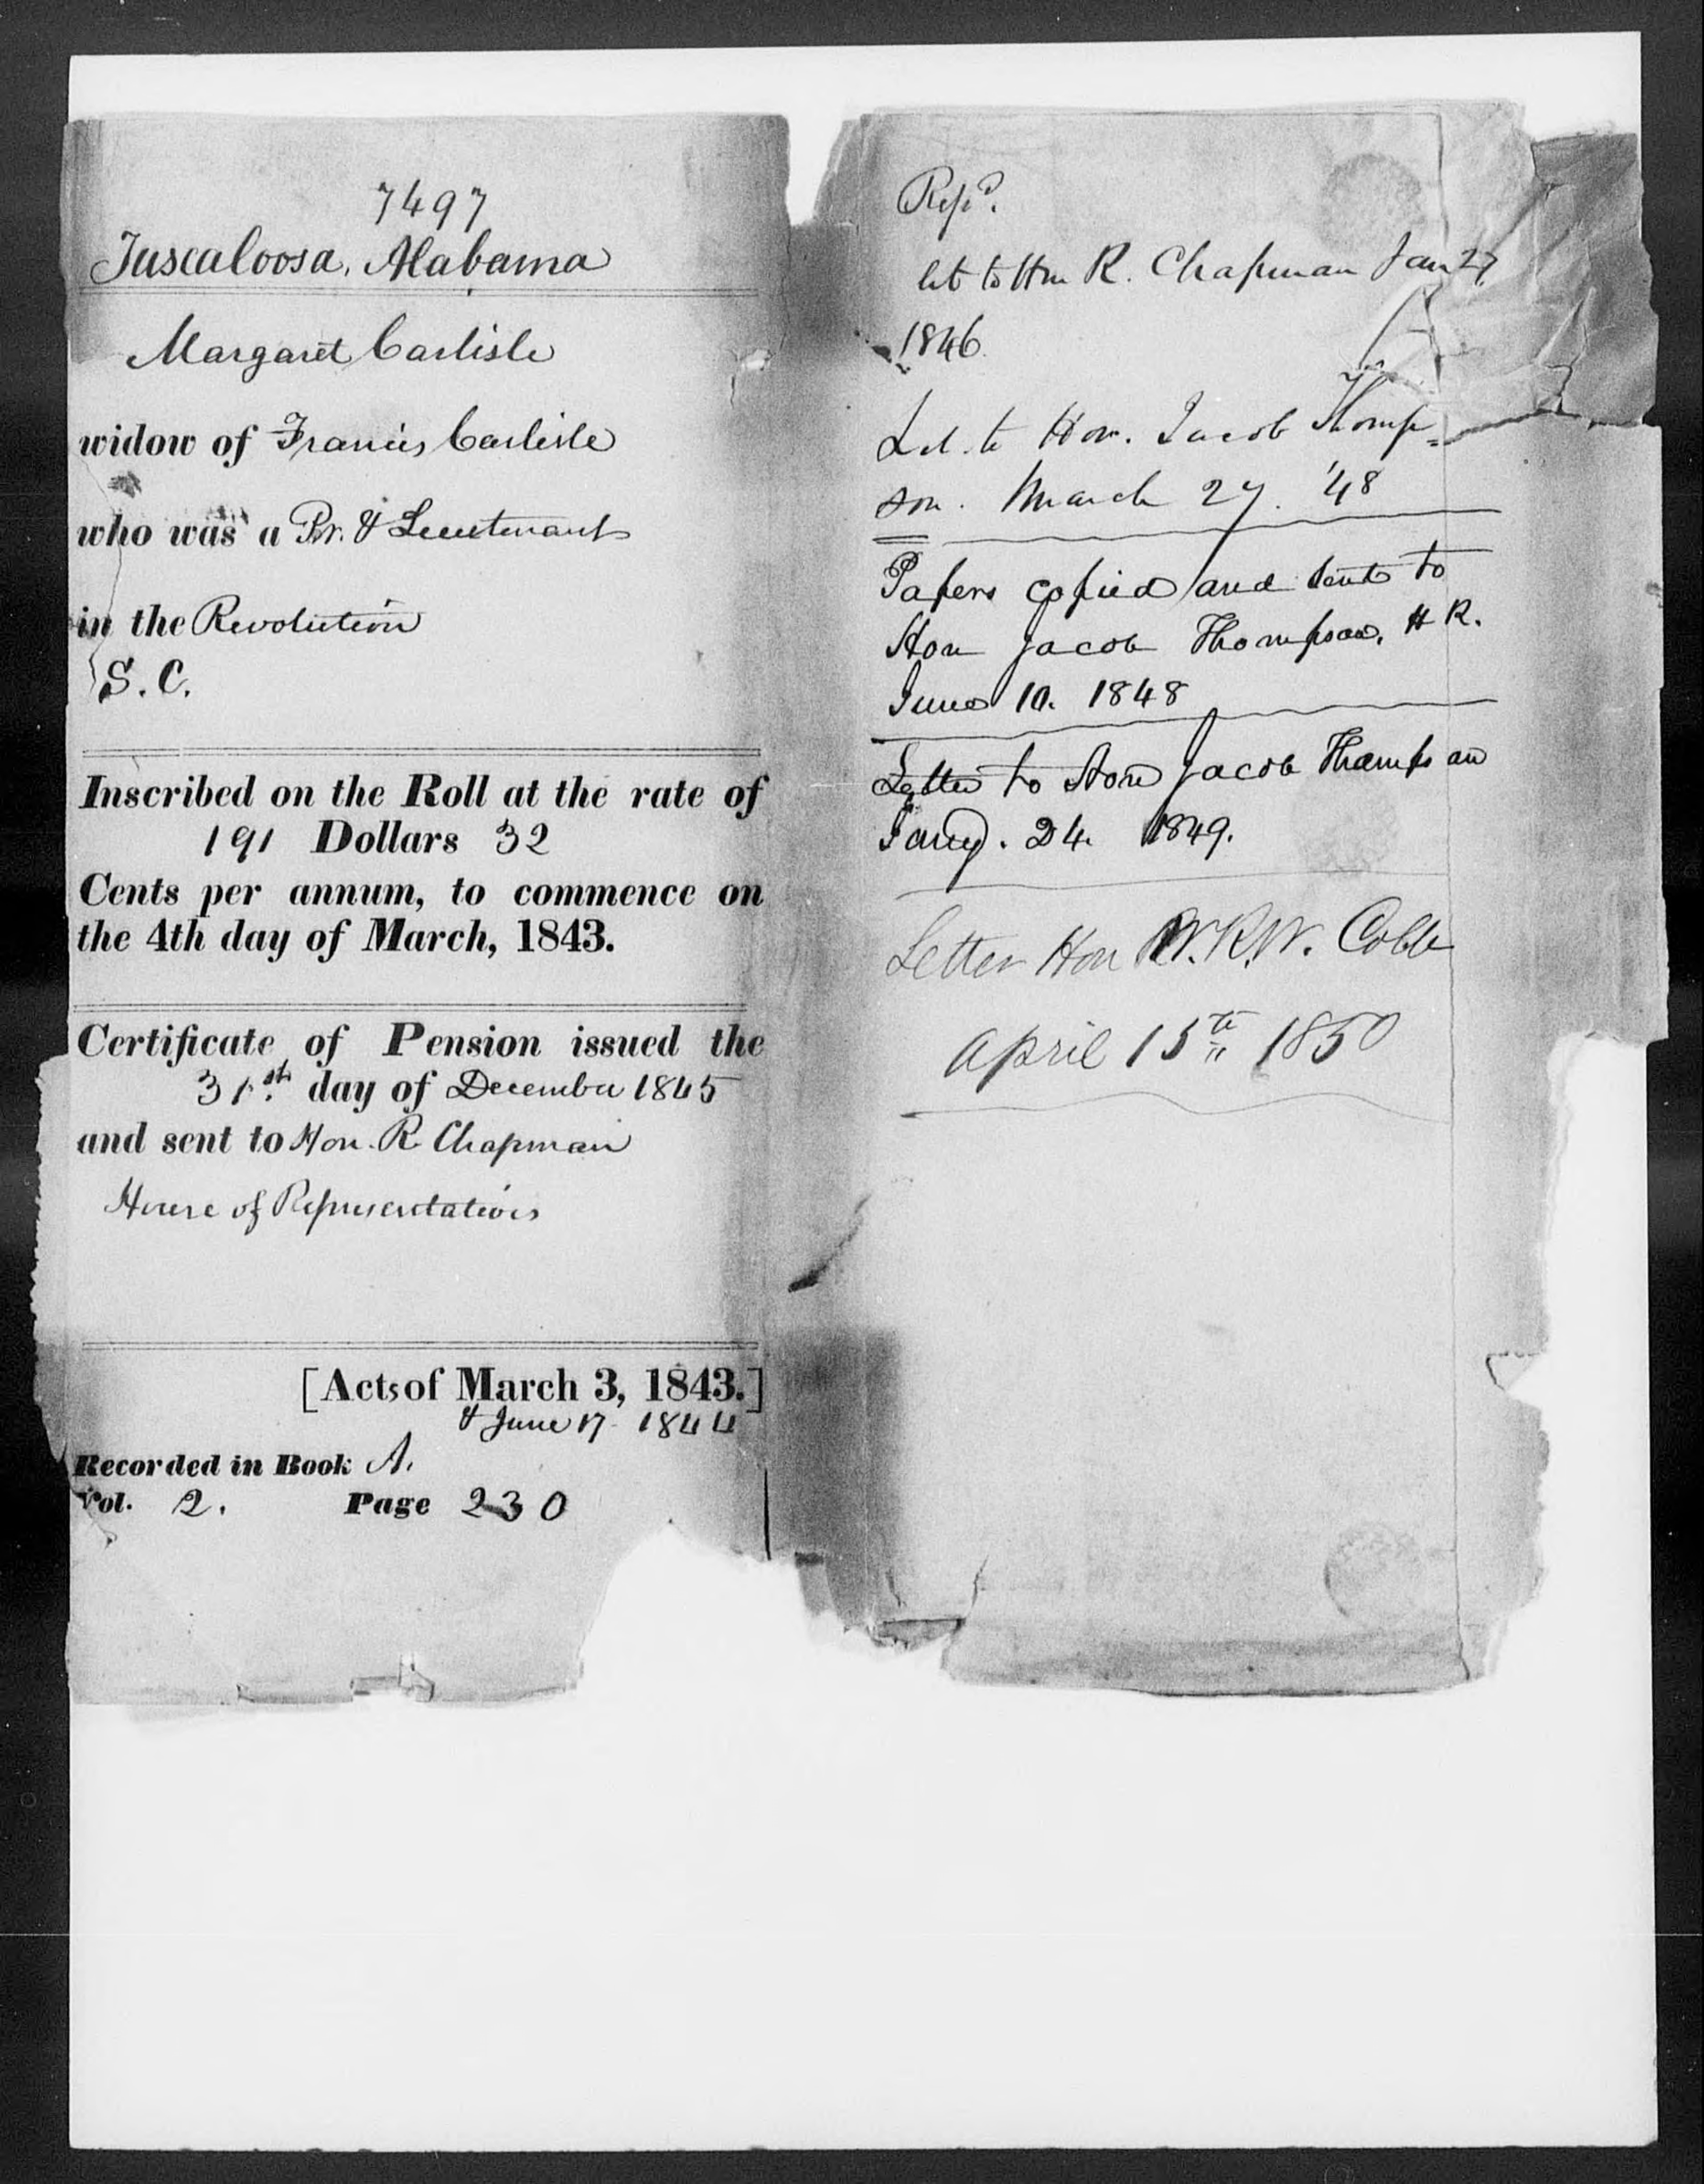7497
Tuscaloosa, Alabama
Margaret Carlisle
widow of Francis Carlisle
who was a Pr. & Lieutenant
in the Revolution S.C.
Inscribed on the Roll at the rate of
191 Dollars 32 Cents per annum, to commence on the 4th day of March, 1843.
Certificate of Pension issued the
31st day of December 1845
and sent to Hon R Chapman
House of Representatives
[Act of March 3, 1843.]
& June 17, 1844
Recorded in Book A.
Vol. 2. Page 230

Rejed
let to Hon R. Chapman Jan 27 1846
Let to Hon. Jacob Thompson March 27 '48
Papers copied and sent to Hon Jacob Thompson, H R. June 10. 1848
Letter to Hon Jacob Thompson
Jany. 24. 1849
Letter Hon W. R. W. Cobb
April 15th 1850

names: Jacob Thompson, R Chapman, Jacob Thompson, Margaret Carlisle, Jacob Thompson, Francis Carlisle, M R W Cobb, R Chapman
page: 3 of 91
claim: widow's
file: W. 10576, Francis Carlisle, S.C.